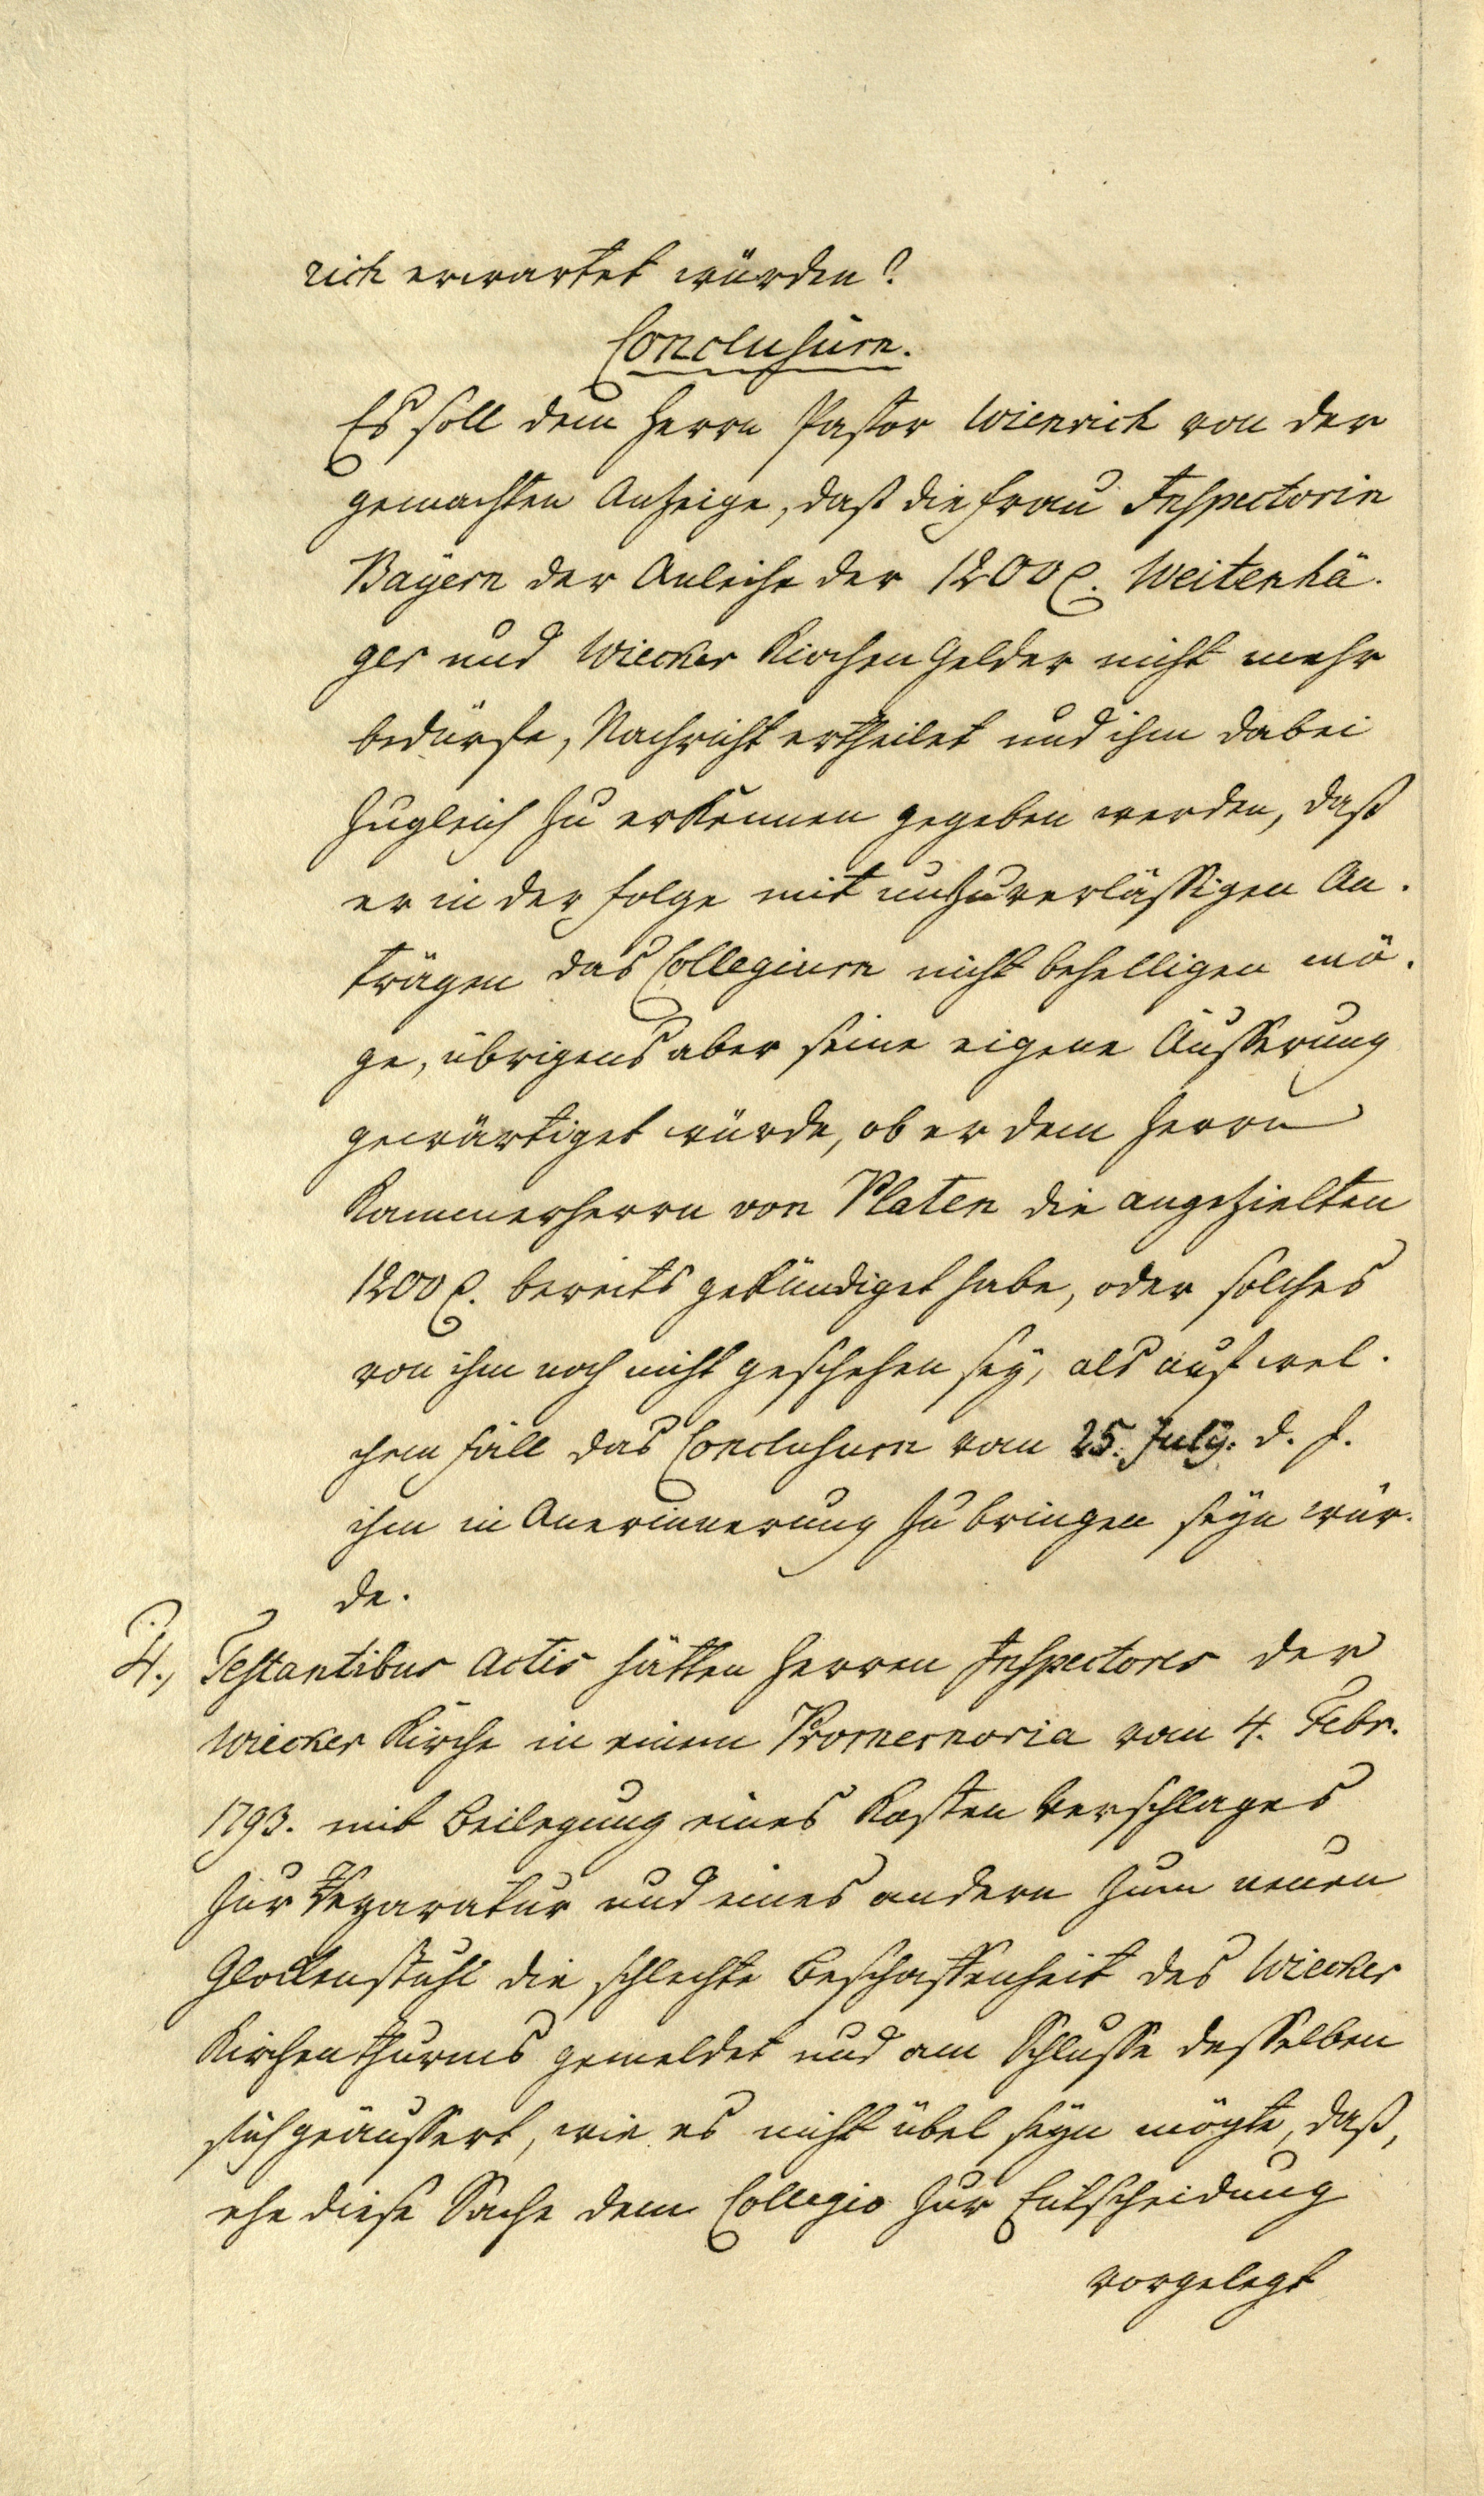rich erwartet würden?
Conclusum.
Es soll dem Herrn Pastor Wienrich von der
gemachten Anzeige, daß die Frau Inspectorin
Baÿerm der Anleihe der 1200 l. Weitenhä¬
ger und Wiecker Kirchen Gelder nicht mehr
bedürfe, Nachricht ertheilet und ihm dabei
zugleich zu erkennen gegeben werden, daß
er in der Folge mit unmzuverlässigen An¬
trägen das Collegium nicht behelligen mö¬
ge, übrigens aber seine eigene Äusserung
gewärtiget würde, ob er dem Herrn
Kammerherrn von Platen die angezielten
1200 l. bereits gekündiget habe, oder solches
von ihm noch nicht geschehen seÿ, als auf wel-
chem Fall, das Conclusum vom 25. Julÿ. d. J.
ihm in Anerinnerung zu bringen seÿn wür¬
de.
4. Testantibus Actis hätten Herren Inspectores der
Wiecker Kirche in einem Promemoria vom 4. Febr.
1793. mit Beilegung eines Kosten Verschlages
zur Reparatur und eines andern zum neuen
Glockenstuhl die schlechte Beschaffenheit des Wiecker
Kirchenthurms gemeldet und am Schlusse desselben
sich geäussert, wie es nicht übel seÿn mögte, daß,
ehe diese Sache dem Collegio zur Entscheidung
vorgelegt